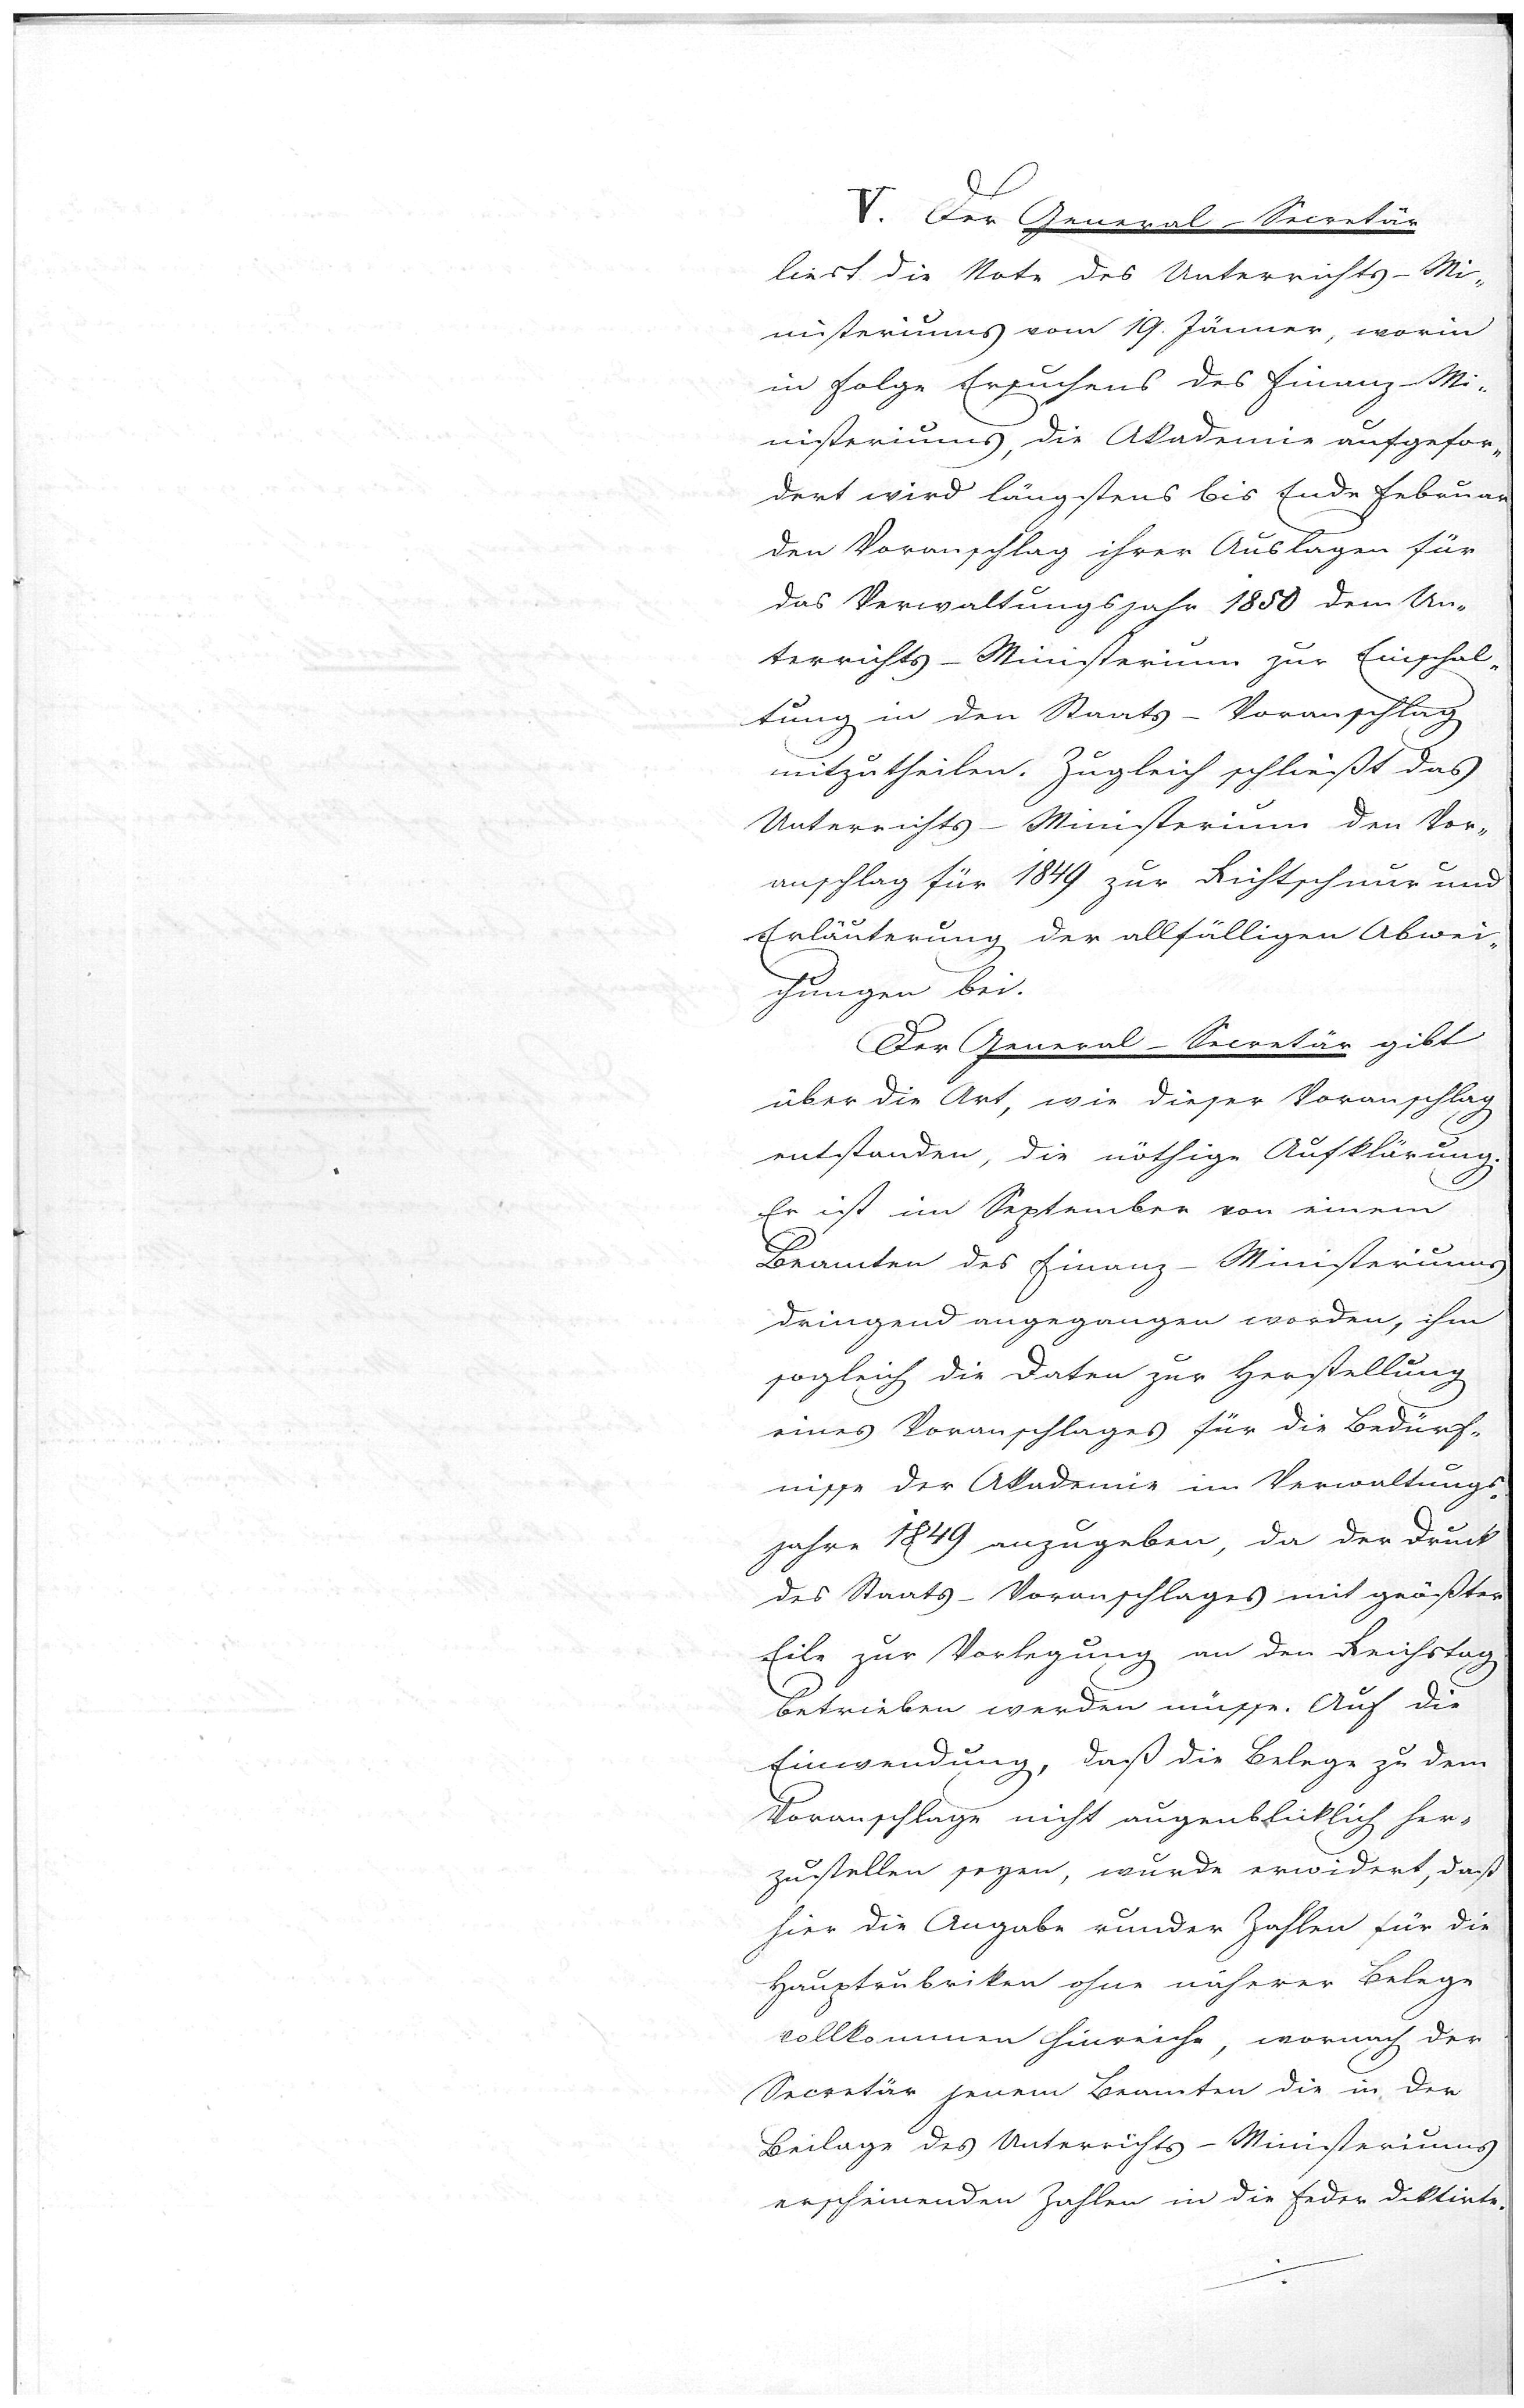V. Der General-Secretär
liest die Noten des Unterrichts-Mi-
nisteriums vom 19. Jänner, worin
in Folge Ersuchens des Finanz-Mi-
nisteriums, die Akademie aufgefor-
der wird längstens bis Ende Februar
den Voranschlag ihrer Auslagen für
das Verwaltungsjahr 1850 dem Un-
terrichts-Ministerium zur Einschal-
tung in den Staats-Voranschlag
mitzutheilen. Zugleich schließt das
Unterrichts-Ministerium den Vor-
anschlag für 1849 zur Richtschnur und
Erläuterung der allfälligen Abwei-
chungen bei.
Der General-Secretär gibt
über die Art, wie dieser Voranschlag
entstanden, die nöthige Aufklärung.
Er ist im Sertember von einem
Beamten des Finanz-Ministeriums
dringend angegangen worden, ihm
sogleich die Daten zur Herstellung
eines Voranschlage für die Bedürf-
nisse der Akademie im Verwaltungs-
jahre 1849 anzugeben, da der Druck
des Staats-Voranschlages mit größter
Eile zur Vorlegung an den Reichstag
betrieben werden müsse. Auf die
Einwendung, daß die Belege zu dem
Voranschlage nicht augenblicklich her-
zustellen seyen, wurde erwidert, daß
hier die Angabe runder Zahlen für die
Hauptrubriken ohne näherer Belege
vollkommen hinreiche, wornach der
Secretär jenem Beamten die in der
Beilage des Unterrichts-Ministeriums
erscheinenden Zahlen in die Feder diktirte.